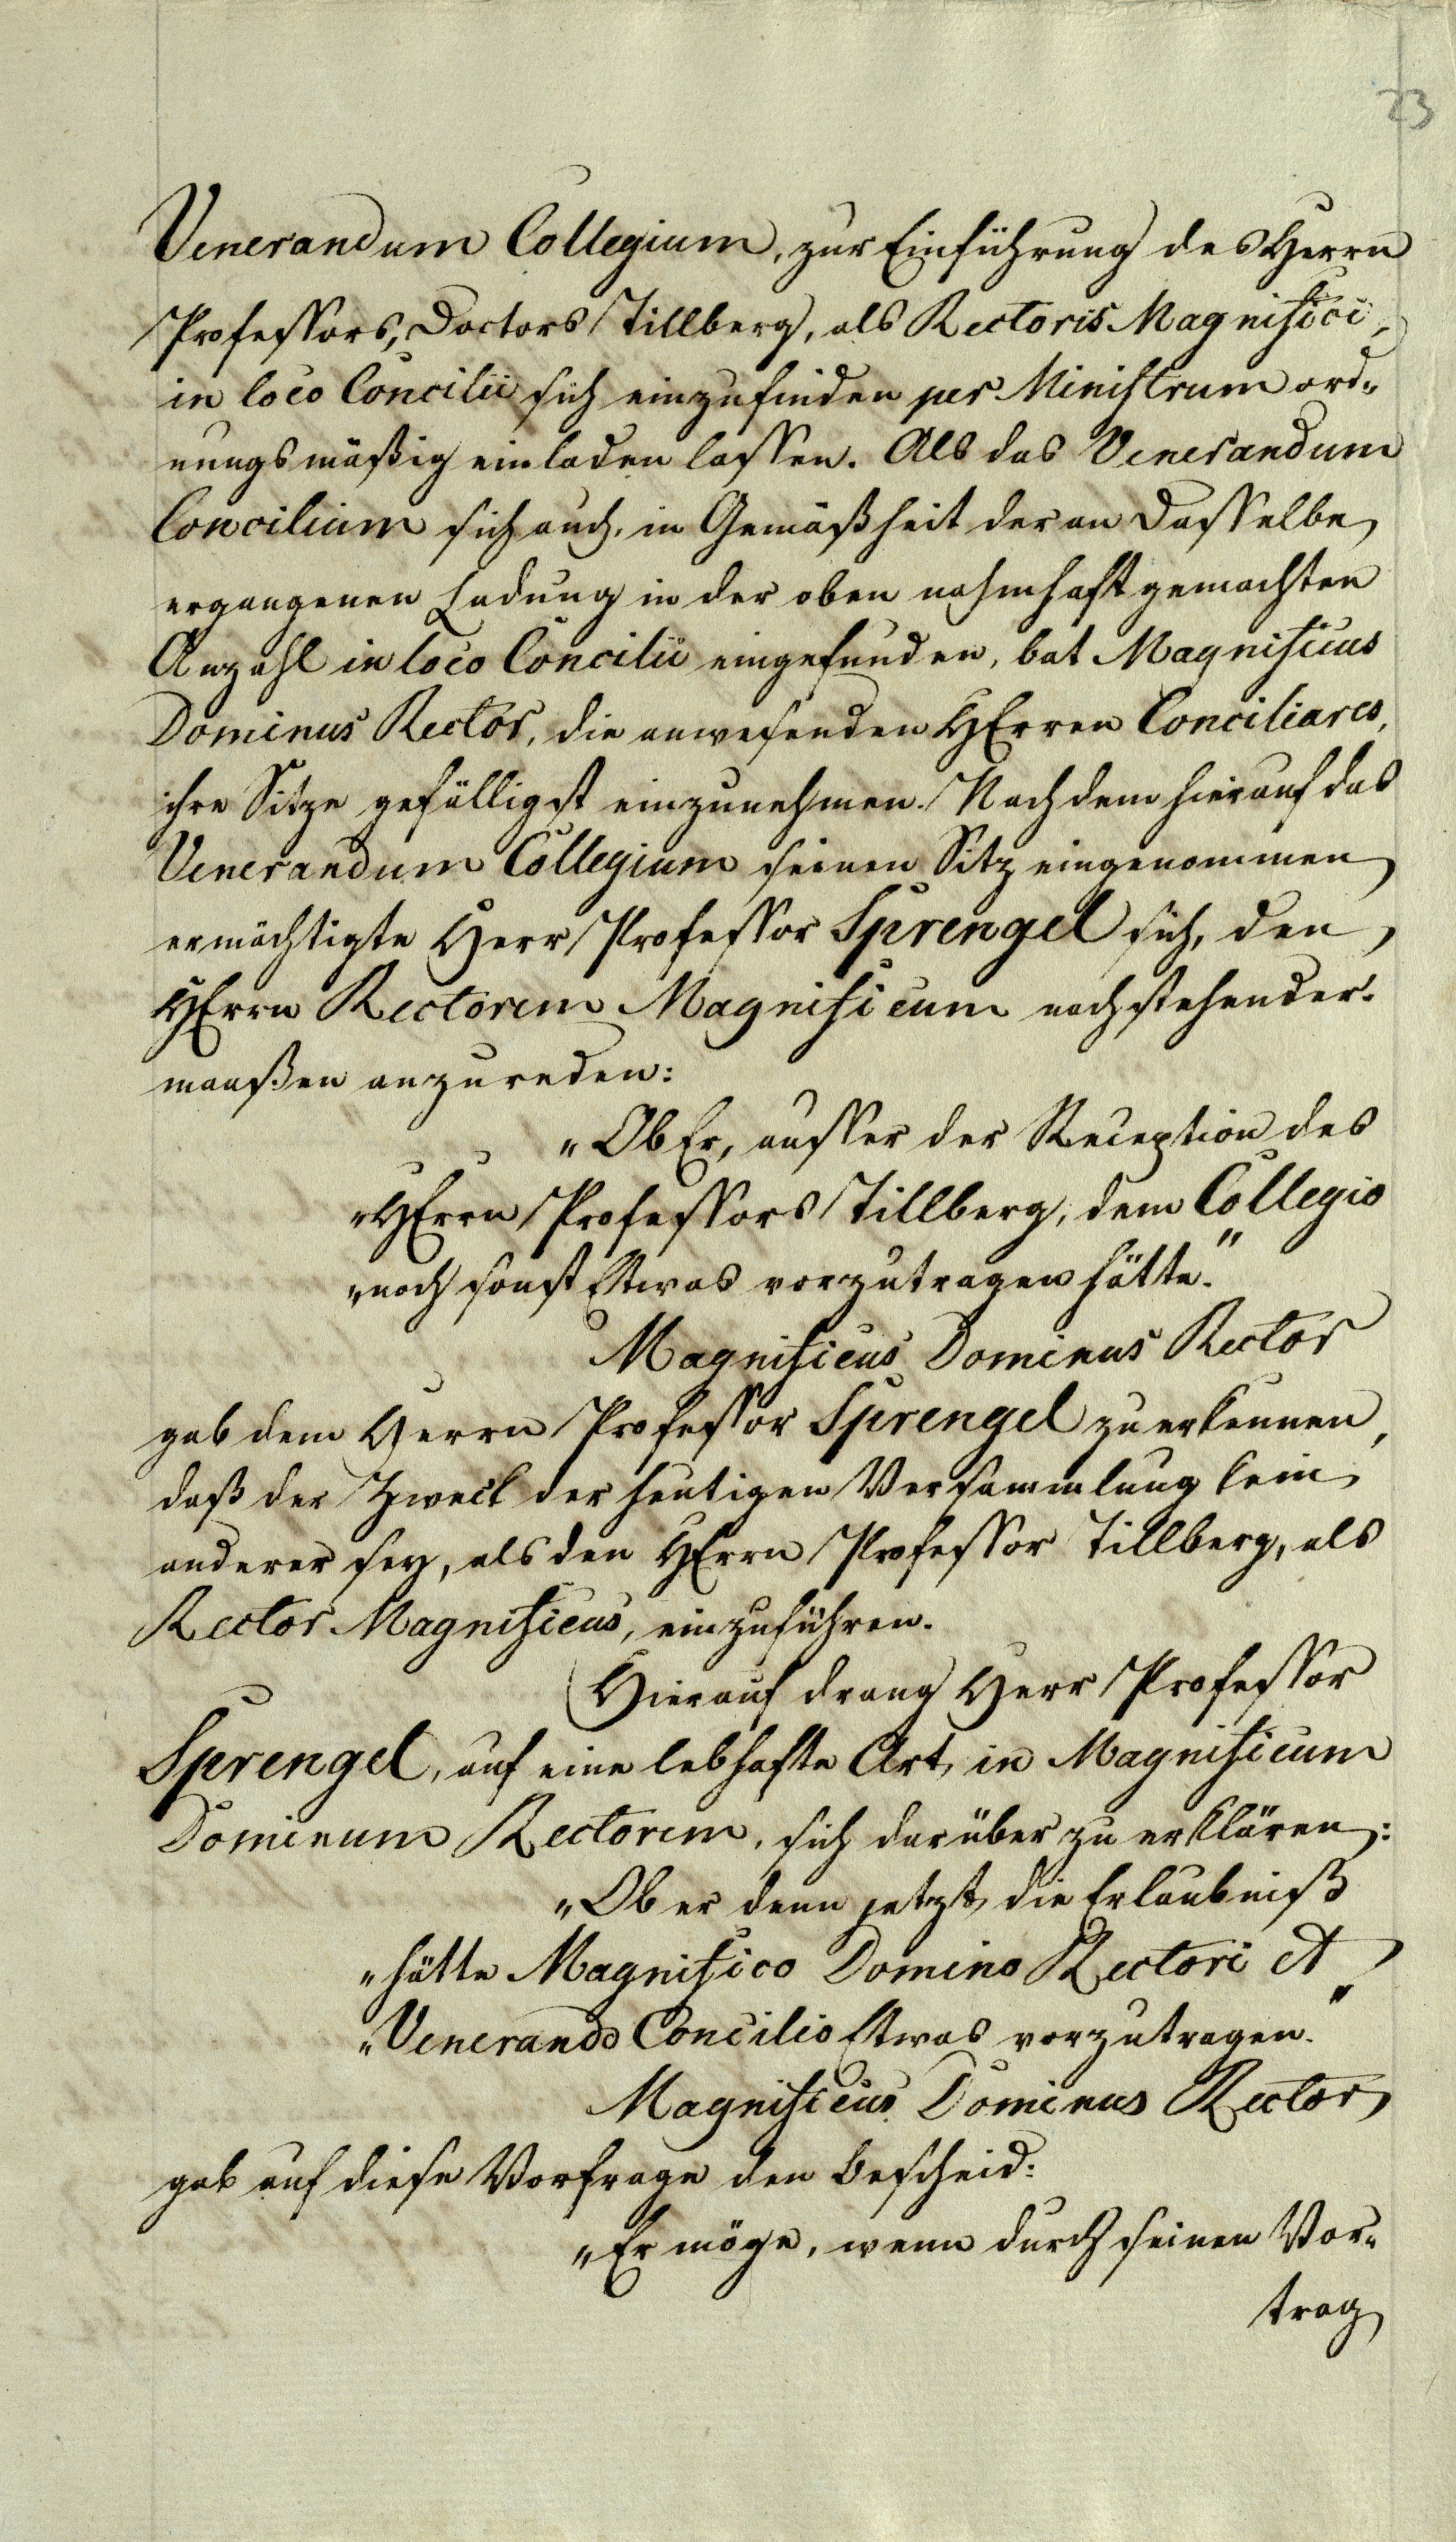Venerandum Collegium, zur Einführung des Herrn
Professors, Doctors Tillberg, als Rectoris Magnifici
in loco Concilii sich einzufinden per Ministrum ord¬
nungsmäßig einladen lassen. Als das Venerandum
Concilium sich auch, in Gemäsheit der an dasselbe
ergangenen Ladung in der oben nahmhaft gemachten
Anzahl in loco Concilii eingefunden, bat Magnificus
Dominus Rector, die anwesenden Herren Conciliares,
ihre Sitze gefälligst einzunehmen. Nach dem hierauf das
Venerandum Collegium seinem Sitz eingenommen
ermächtigte Herr Professor Sprengel sich, den
Herrn Rectorem Magnificum nachstehender¬
massen anzureden:
"Ob Er, ausser der Reception des
Herrn Professors Tillberg, dem Collegio
noch sonst etwas vorzutragen hätte."
Magnificus Dominus Rector
gab dem Herrn Professor Sprengel zu erkennen,
daß der Zweck der heutigen Versammlug kein
anderer sey, als den Herrn Professor Tillberg, als
Rector Magnificus, einzuführen.
Hierauf drang Herr Professor
Sprengel auf eine lebhafte Art, in Magnificum
Dominum Rectorem, sich darüber zu erklären:
"Ob er denn jetzt die Erlaubniß
"hätte Magnifico Domino Rectori et
"Venerando Concilio Etwas vorzutragen."
Magnificus Dominus Rector
gab auf diese Vorfrage den Bescheid:
"Er möge, wenn durch seinen Vor¬
trag